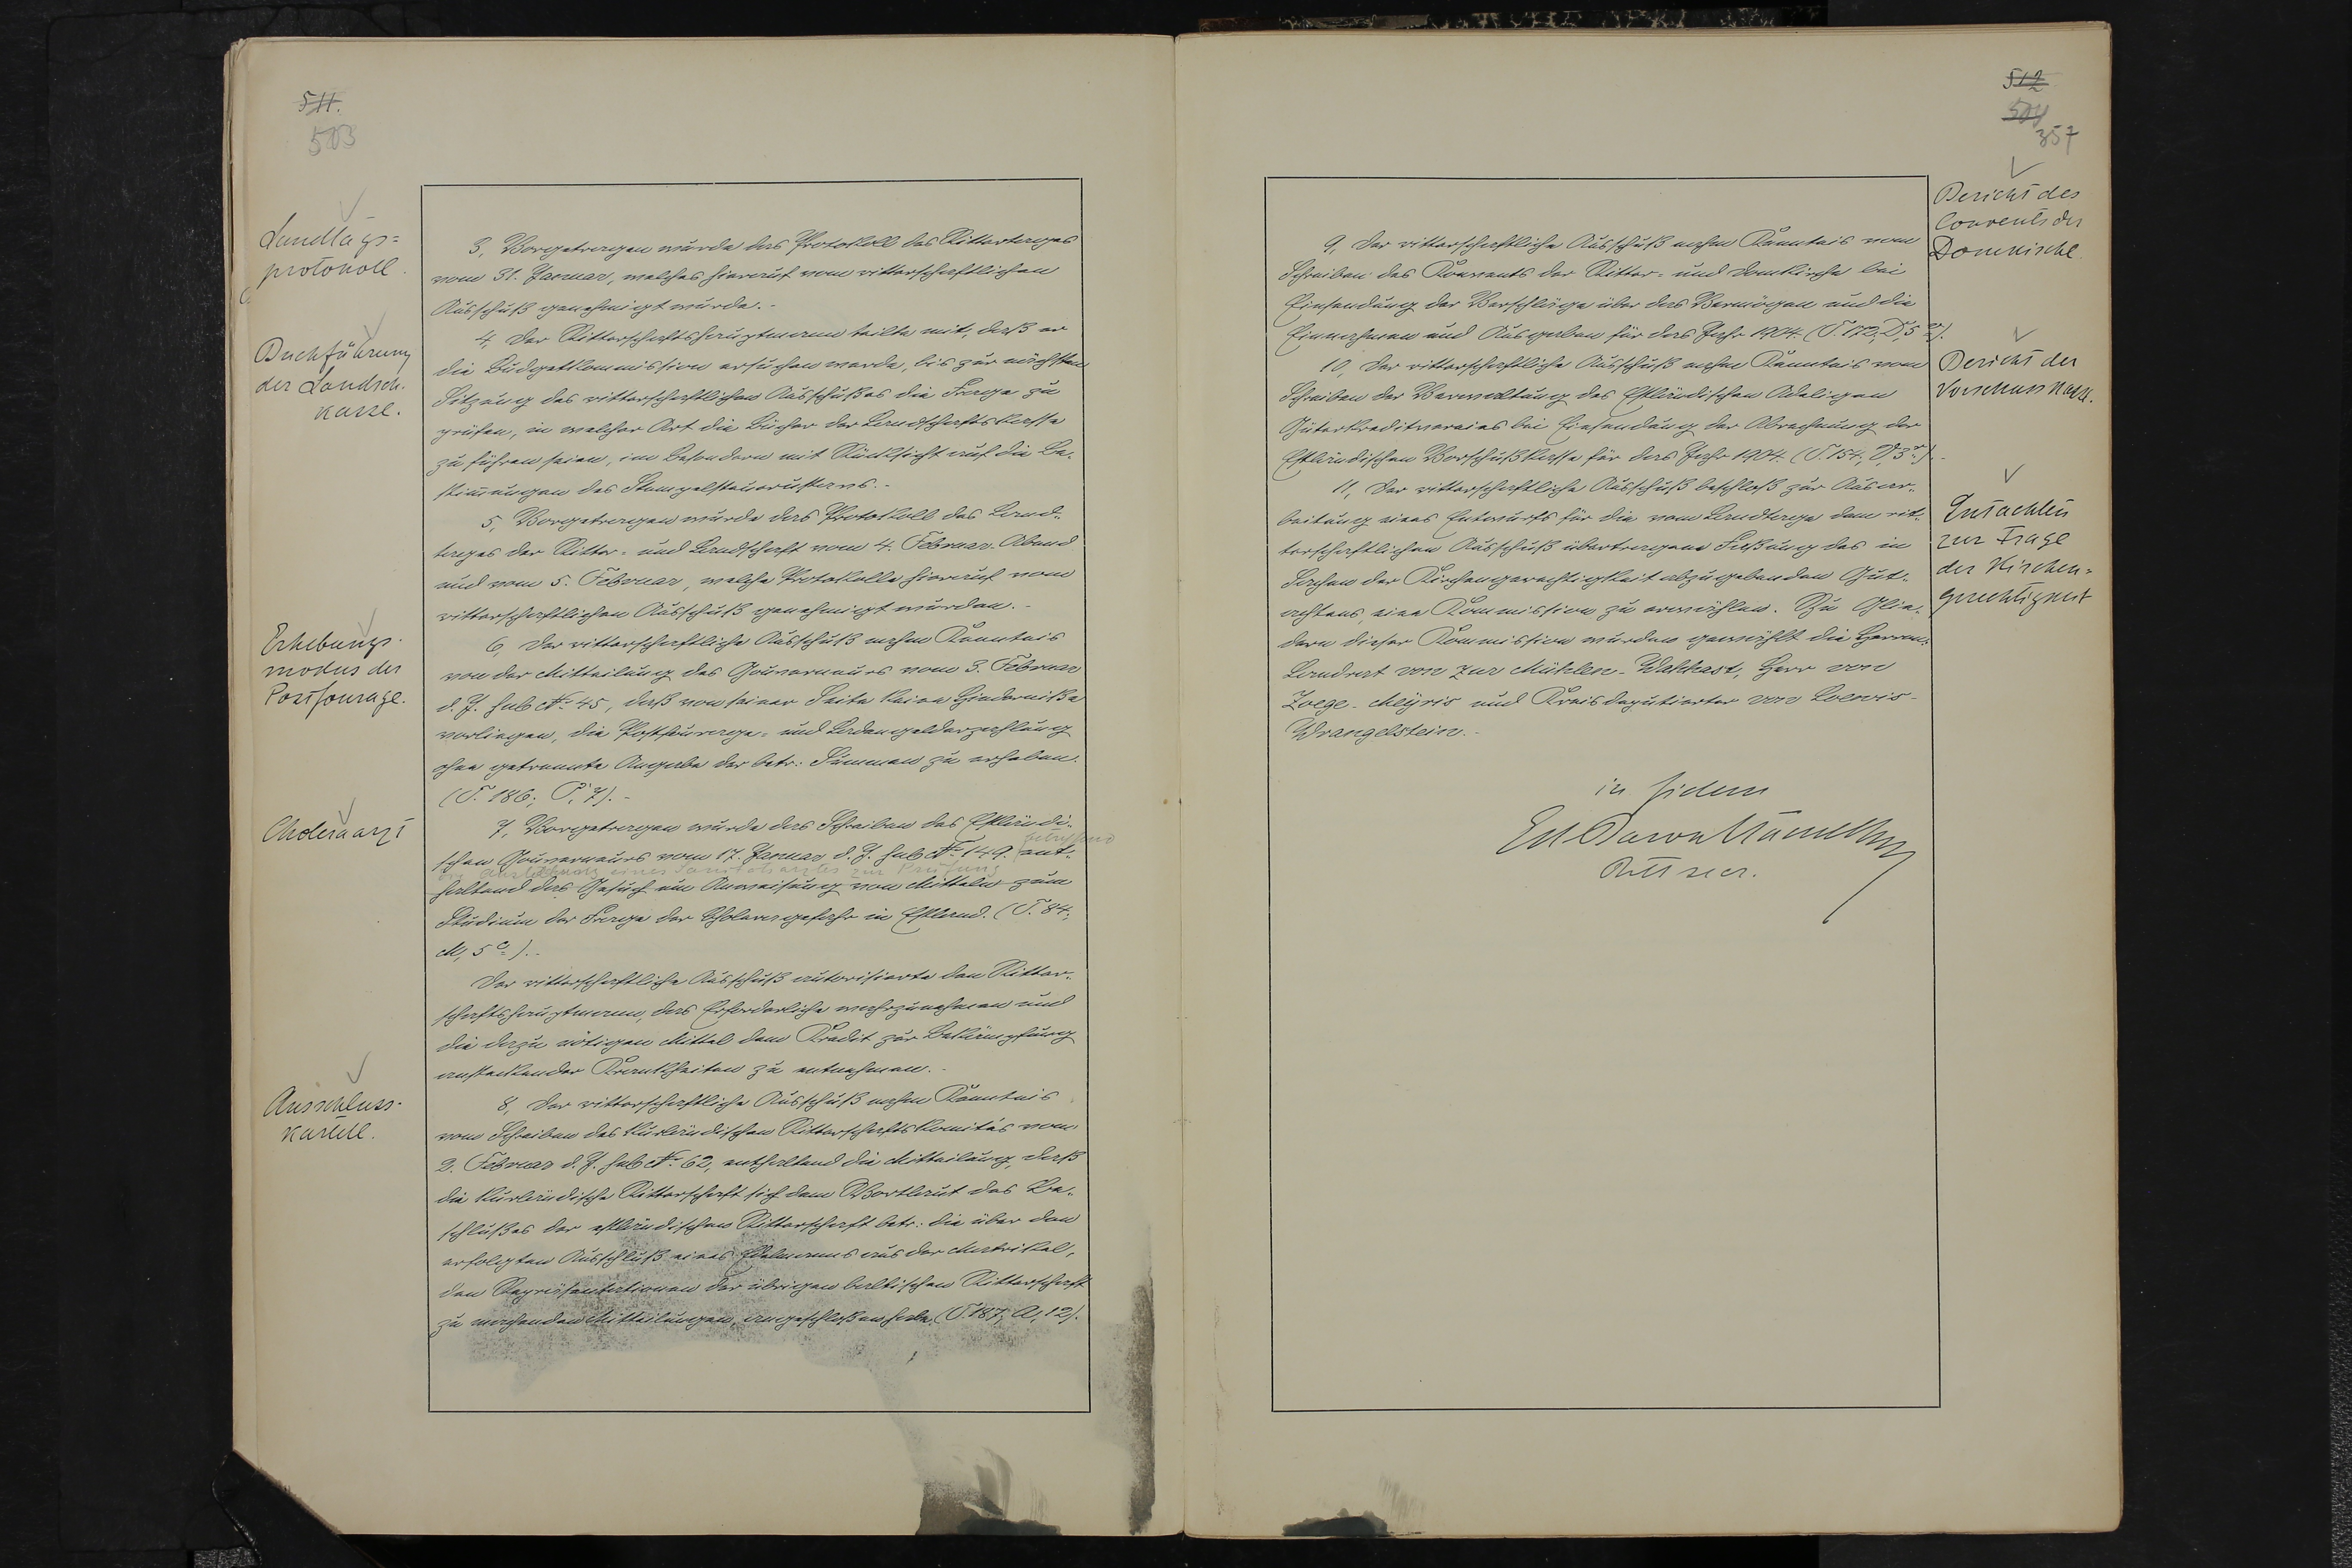Landtags-
protokoll
Buchführung
der Landsch
kasse
Erhebung
modus der
Postfourage
Choleraarzt
Ausschluss
kartell
3. Vorgetragen wurde das Protokoll des Rittertages
vom 31. Januar, welches hierauf vom ritterschaftlichen
Ausschuß genehmigt wurde.
4. Der Ritterschaftshauptmann teilte mit, daß er
die Budgetkommission ersuchen werde, bis zur nächsten
Sitzung des ritterschaftlichen Ausschußes die Frage zu
prüfen, in welcher Art die Bücher der Landschaftskasse
zu führen seien, im Besondern mit Rücksicht auf die Be-
stimmungen des Stempelsteuerustavs.
5. Vorgetragen wurde das Protokoll des Land-
tages der Ritter- und Landschaft vom 4. Februar-Abend
und vom 5. Februar, welche Protokolle hierauf vom
ritterschaftlichen Ausschuß genehmigt wurden.
6. Der ritterschaftliche Ausschuß nahm Kenntnis
von der Mitteilung des Gouverneurs vom 3. Februar
d.J. sub No. 45, daß von seiner Seite keine Hinderniße
vorliegen, die Postfourage- und Ladengelderzahlung
ohne getrennte Angabe der betr. Summen zu erheben.
(T.186; P.7).
7. Vorgetragen wurde das Schreiben des Estländi-
schen Gouverneurs vom 17. Januar d.J. sub No. 149. ent-
haltend das Gesuch um Anweisung von Mitteln zum
Studium der Frage der Choleragefahr in Estland. (T.84;
M.5c).
Der ritterschaftliche Ausschuß autorisierte den Ritter-
schaftshauptmann, das Erforderliche wahrzunehmen und
die dazu nötigen Mittel dem Kredit zur Bekämpfung
ansteckender Krankheiten zu entnehmen.
8. Der ritterschaftliche Ausschuß nahm Kenntnis
vom Schreiben des kurländischen Ritterschaftskomités vom
2. Februar d.J. sub No. 62, enthaltend die Mitteilung, daß
die kurländische Ritterschaft sich dem Wortlaut des Be-
schlußes der estländischen Ritterschaft betr. die über den
erfolgten Ausschluß eines Edelmanns aus der Matrikel,
den Repräsentationen der übrigen baltischen Ritterschaft
zu machenden Mitteilungen, angeschloßen habe. (T.187; A.12).
9. Der ritterschaftliche Ausschuß nahm Kenntnis vom
Schreiben des Konvents der Ritter- und Domkirche bei
Einsendung der Vorschläge über das Vermögen und die
Einnahmen und Ausgaben für das Jahr 1904. (T.172; D.5v).
10. Der ritterschaftliche Ausschuß nahm Kenntnis vom
Schreiben der Verwaltung des Estländischen Adeligen
Güterkreditvereins bei Einsendung der Abrechnung der
Estländischen Vorschußkasse für das Jahr 1904. (T.154; V.3r).
11. Der ritterschaftliche Ausschuß beschloß zur Ausar-
beitung eines Entwurfs für die vom Landtage dem rit-
terschaftlichen Ausschuß übertragene Faßung des in
Sachen der Kirchengerechtigkeit abzugebenden Gut-
achtens, eine Kommission zu erwählen. Zu Glie-
dern dieser Kommission wurden gewählt die Herren:
Landrat von zur Mühlen-Wahhast, Herr von
Zoege-Meyris und Kreisdeputierter von Loewis-
Wrangelstein.
in fidem
Ed Baron Stackelberg
Ritt.secr.
Bericht des
Convents der
Domkirche
Bericht der
Vorschusskasse
Gutachten
zur Frage
der Kirchen-
gerechtigkeit